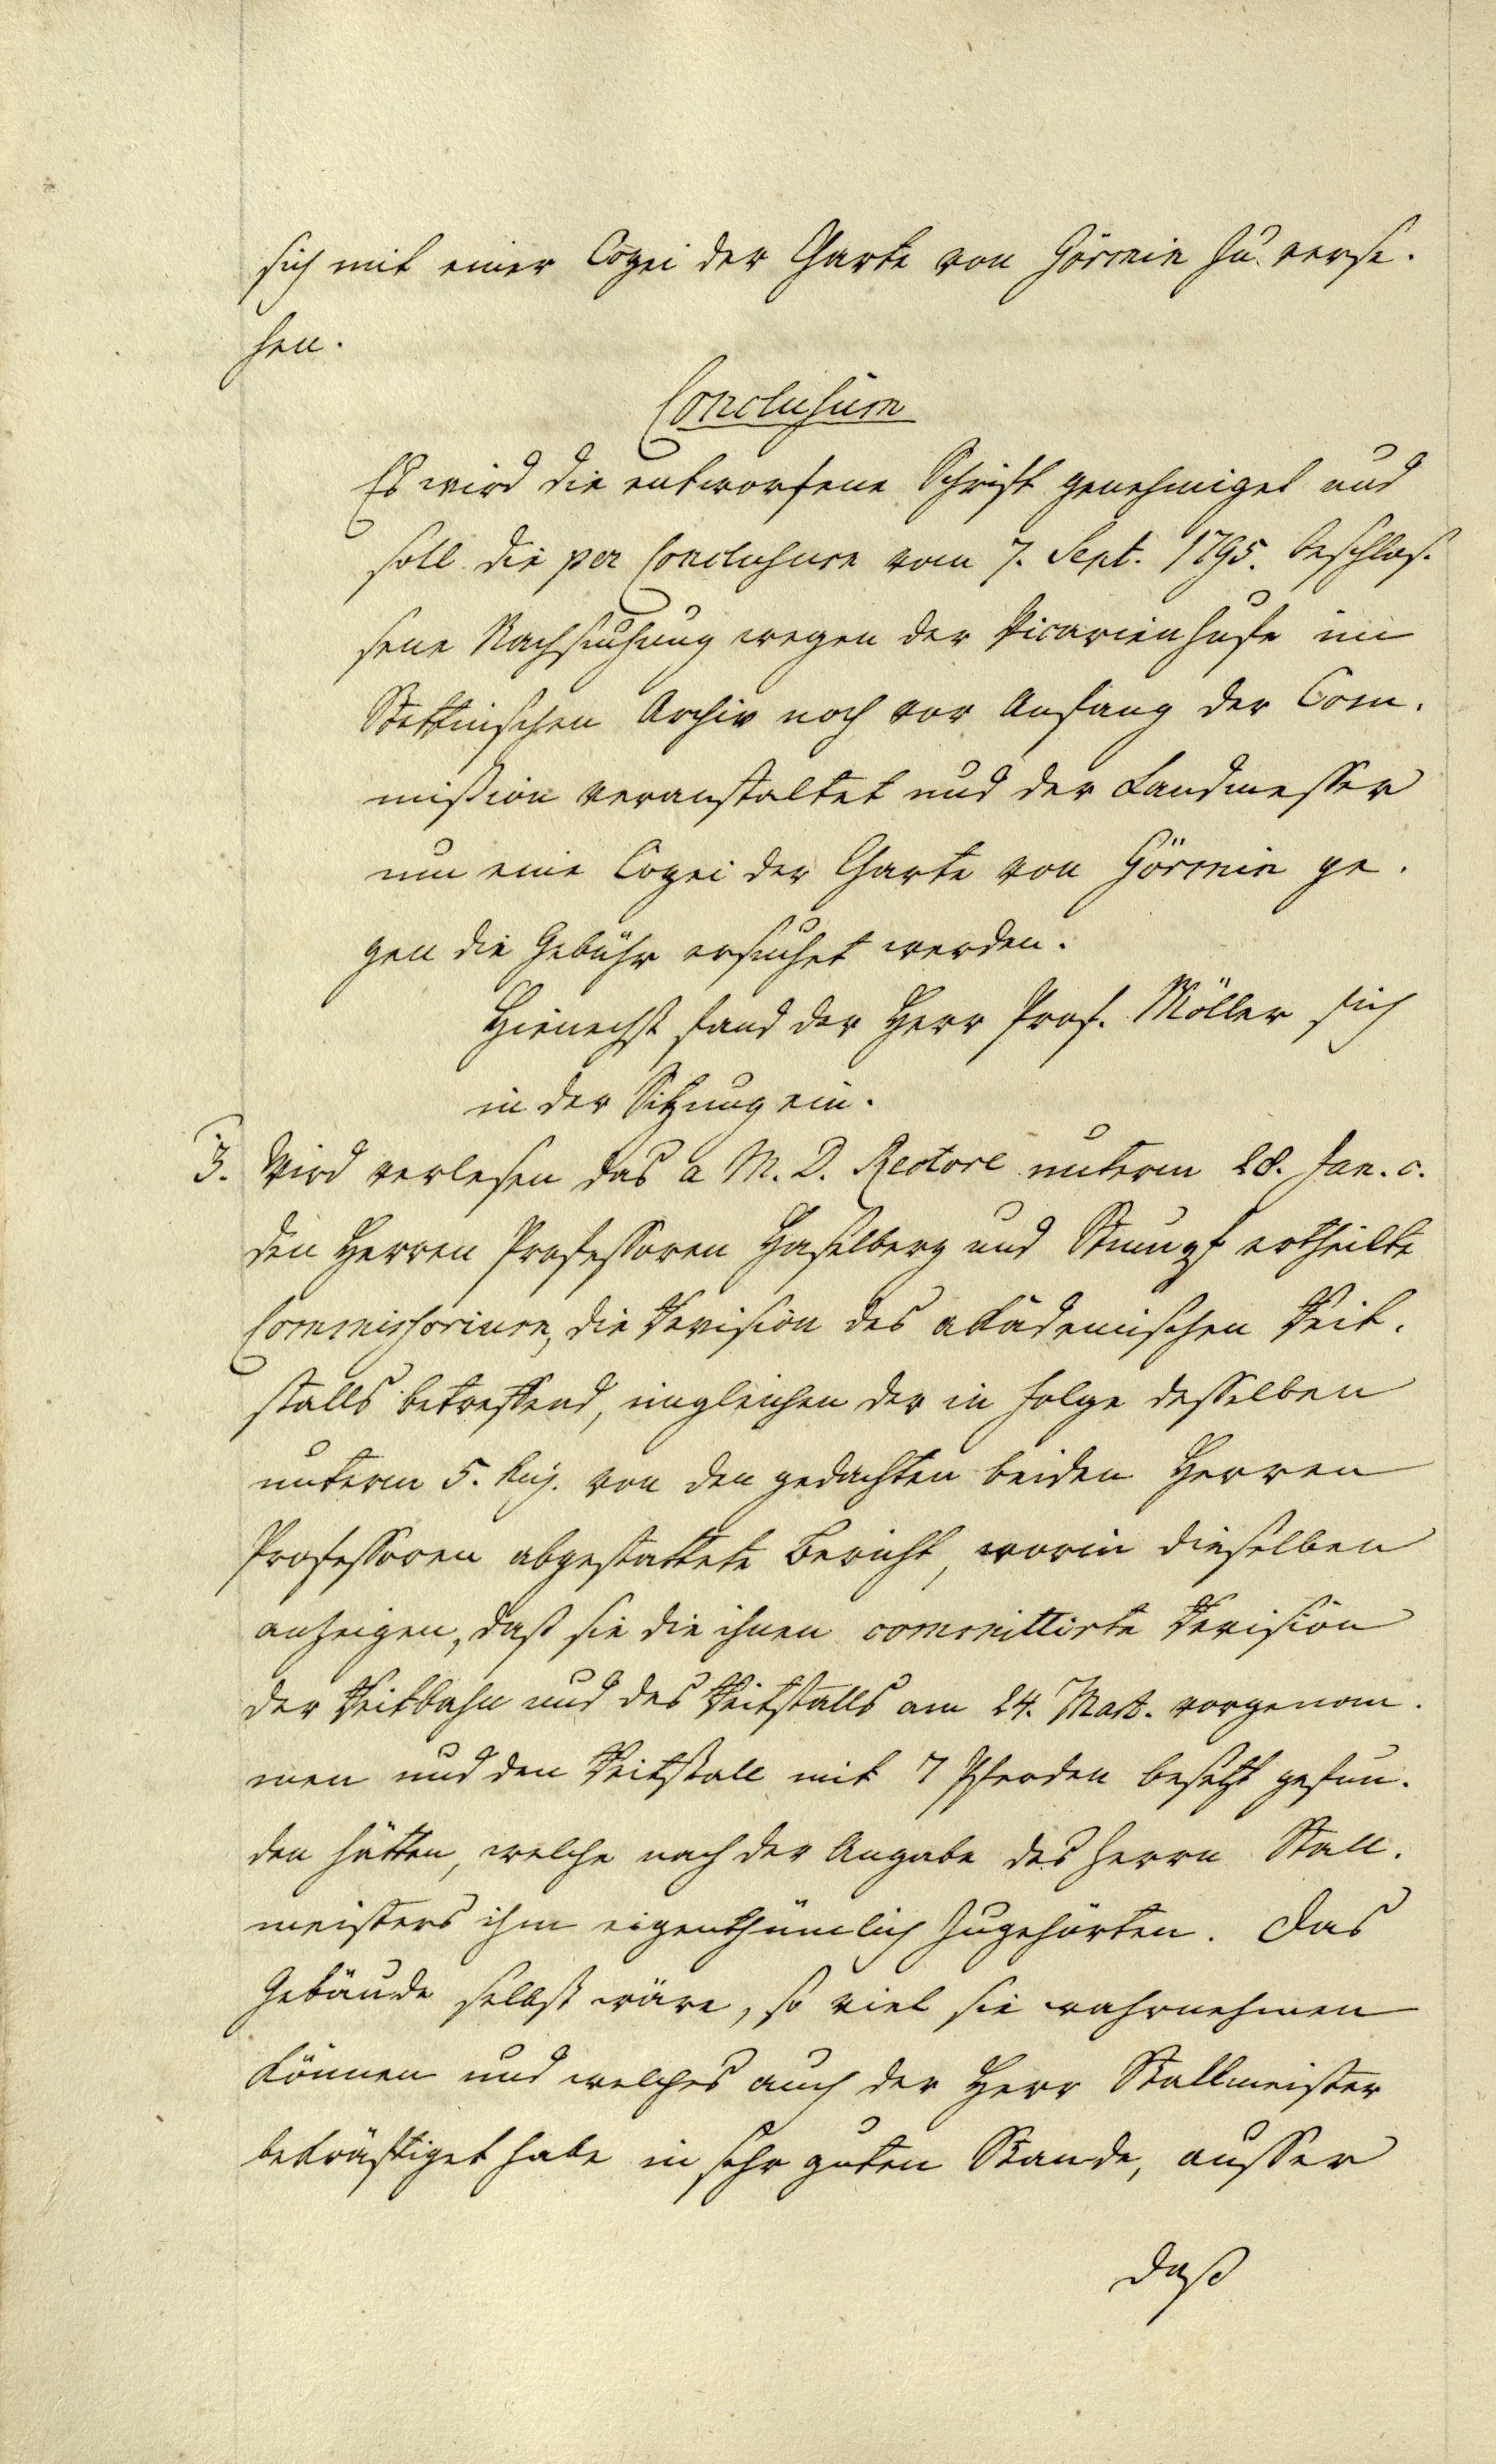sich mit einer Copei der Charte von Görmin zu verse¬
hen.
Conclusum
Es wird die entworfene Schrift genehmiget und
soll die per Conclusum vom 7. Sept. 1795. beschlos¬
sene Nachsuchung wegen der Vicarienhufe im
Stettinschen Archiv noch vor Anfang der Com¬
mißion veranstaltet und der Landmesser
um eine Copei der Charte von Görmin ge¬
gen die Gebühr ersuchet werden.
Hienechst fand der Herr Prof. Möller sich
in der Sitzung ein.
3. Wird verlesen das a M. D. Rectore unterm 28. Jan. c.
den Herren Professoren Haselberg und Stumpf ertheilte
Commissorium, die Revision des akademischen Reit¬
stalls betreffend, imgleichen der in Folge desselben
unterm 5. huj. von den gedachten beiden Herren
Professoren abgestattete Bericht, worin dieselben
anzeigen, daß sie die ihnen committirte Revision
der Reitbahn und des Reitstalls am 24. Mart. vorgenom¬
men und den Reitstall mit 7 Pferden besetzt gefun¬
den hätten, welche nach der Angabe des Herrn Stall¬
meisters ihm eigenthümlich zugehörten. Das
Gebäude selbst wäre, so viel sie wahrnehmen
können und welches auch der Herr Stallmeister
bekräfiget habe in sehr guten Stande, ausser
daß